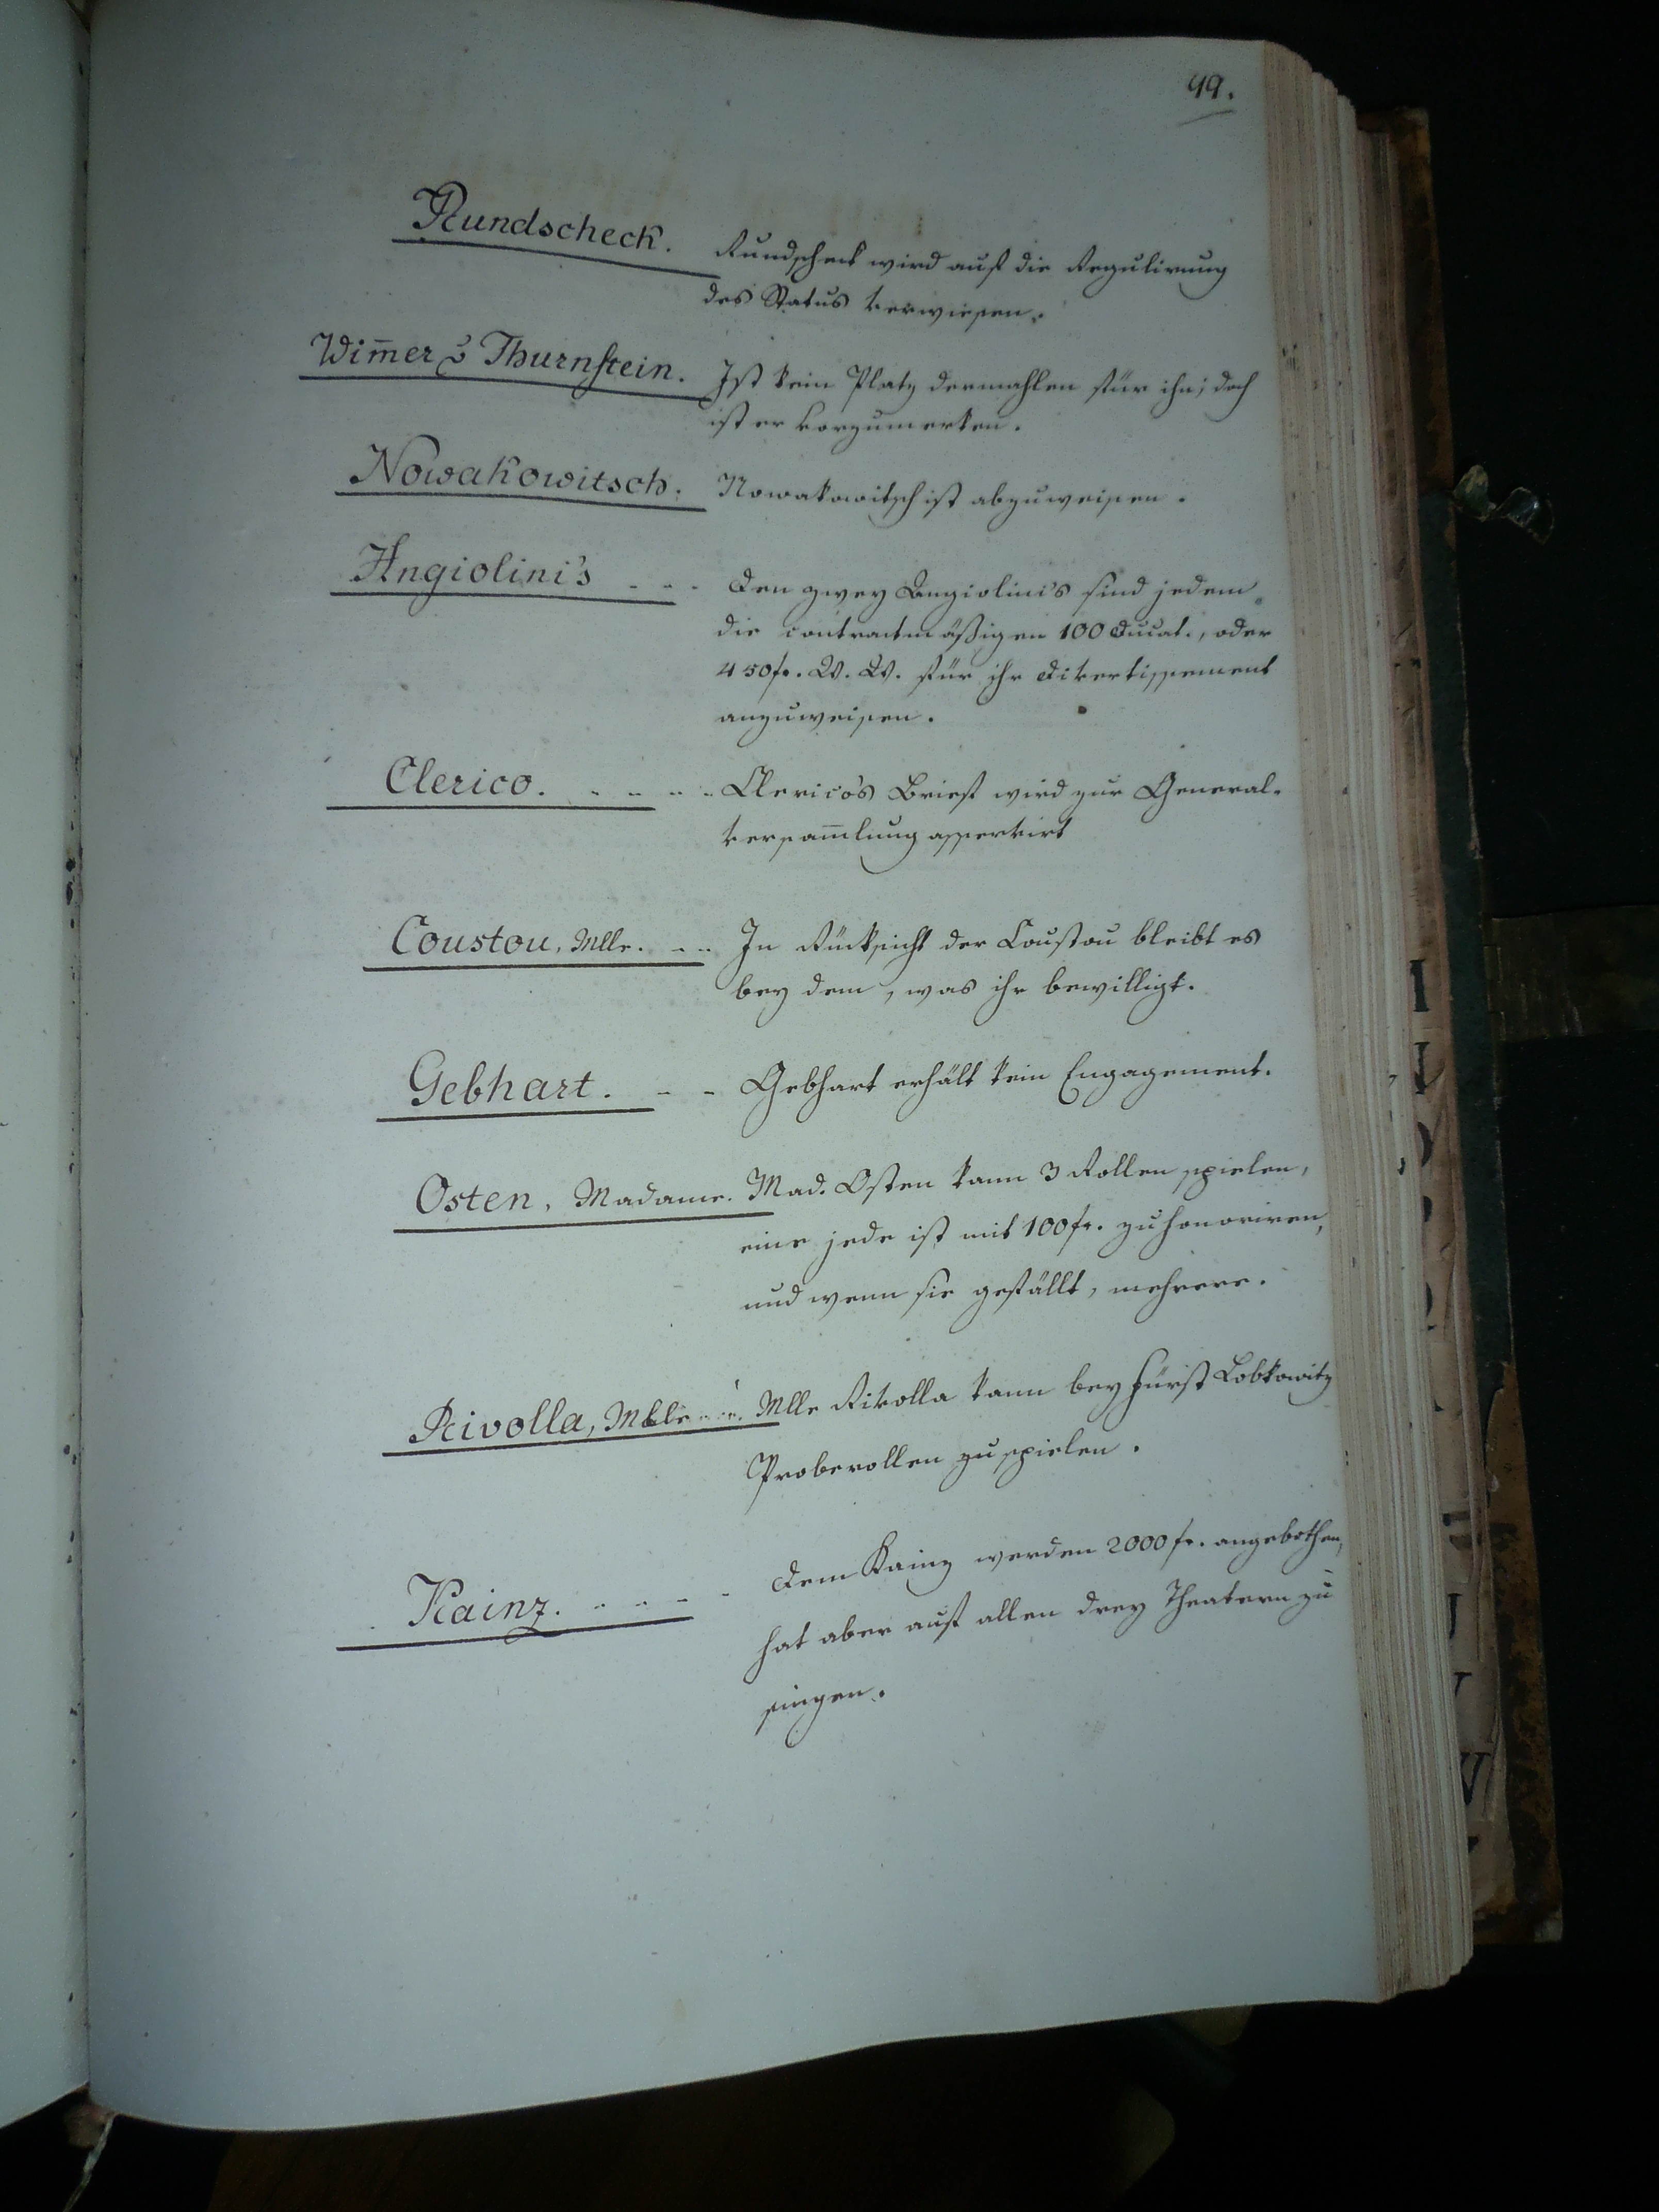99.
Rundscheck. Rundscheck wird auf die Regulirung
des Status verwiesen.
Wim̅er v Thurnstein. Ist kein Platz dermahlen für ihn; doch
ist er vorzumerken.
Nowakowitsch. Nowakowitsch ist abzuweisen.
Angiolini's .. .. .. Den zwey Angiolini's sind jedem,
die contractmäßigen 100 Ducat., oder
450fr. W. W. für ihr Divertissement
anzuweisen.
Clerico. .. .. .. .. Clerico's Brief wird zur General¬
versam̅lung asservirt
Coustou, Mlle. .. .. In Rücksicht der Coustuu bleibt es
bey dem, was ihr bewilligt.
Gebhart. .. .. Gebhart erhält kein Engagement.
Osten, Madame. Mad. Osten kann 3 Rollen spielen,
eine jede ist mit 100fr. zuhonoriren,
und wenn sie gefällt, mehrere.
Rivolla, Mlle .. .. Mlle Rivolla kann bey Fürst Lobkowitz
Proberollen zuspielen.
Kainz. .. .. .. .. Dem Kainz werden 200fr. angebothen,
hat aber auf allen drey Theatern zu
singen.